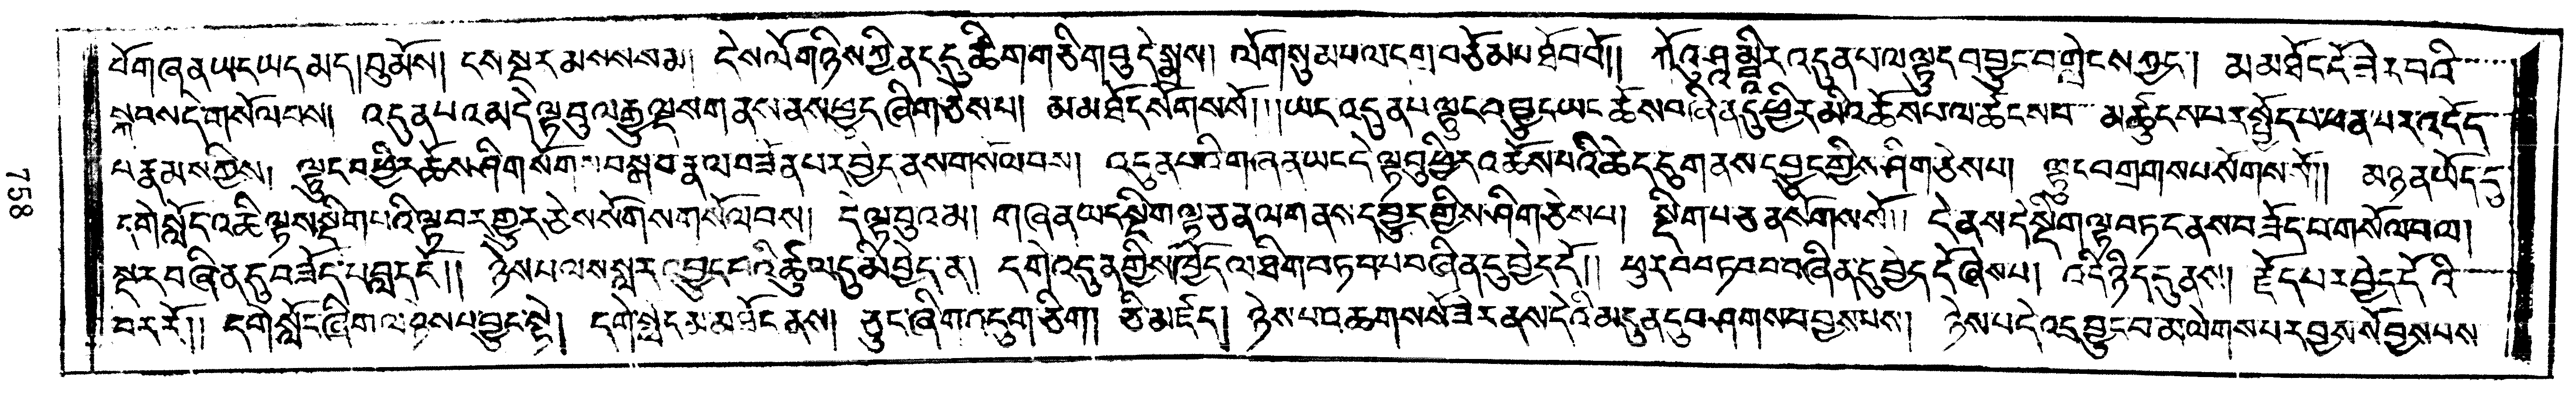པོ་གཞན་ཡང་ཡང་མད། བུ་མོས། ངས་སྔར་མ་སྨྲས་སམ། དེས་ལོ་གཉིས་ཀྱི་ནང་དུ་ཚིག་གཅིག་བུ་དེ་སྨྲས། ལོ་གསུམ་པི་ལ་དགྲ་བཅོམ་པ་ཐོབ་བོ།། ཀོའུ་ཤཱམྦཱིར་འདུན་པ་ལ་ལྟུང་བ་བྱུང་བ་གླེངས་ཀྱང་། མ་མཐོང་ངོ་ཟེར་བའི་
སྐབས་དེ་གསོལ་བས། འདུན་པའམ་དེ་ལྟ་བུ་ལ་རྒྱུ་ལྡས་གནས་ནས་ཕྱུང་ཞིག་ཅེས་པ། མ་མཐོང་སོགས་སོ། །ཡང་འདུན་པ་ལྟུང་བ་བྱུང་ཡང་ཆོས་བཞིན་དུ་ཕྱིར་མི་འཆོས་པ་ལ་ཚངས་པ་མཚུངས་པར་སྤྱོད་པ་ཕན་པར་འདོད་
པ་རྣམས་ཀྱིས། ལྟུང་བ་ཕྱིར་ཆོས་ཤིག་སོགས་བསྒོ་བ་རྣལ་བཟོན་པར་བྱེད་ནས་གསོལ་བས། འདུན་པའི་གཞན་ཡང་དེ་ལྟ་བུ་ཕྱིར་འཆོས་པའི་ཆེད་དུ་གནས་དབྱུང་གིས་ཤིག་ཅེས་པ། ལྟུང་བ་གྲགས་པ་སོགས་སོ།། མཉན་ཡོད་དུ་
དགེ་སློང་འཆི་ལྟས་སྡིག་པའི་ལྟ་བར་གྱུར་ཅེས་སོགས་གསོལ་བས། དེ་ལྟ་བུའམ། གཞན་ཡང་སྡིག་ལྟ་ཅན་ལ་གནས་དབྱུང་གྱིས་ཤིག་ཅེས་པ། སྡིག་པ་ཅན་སོགས་སོ།། དེ་ནས་དེ་སྡིག་ལྟ་བཏང་ནས་བཟོད་པ་གསོལ་བ་ལ།
སྔར་བཞིན་དུ་བཟོད་པ་བླང་ངོ།། ཉེས་པ་ལས་སླར་འབྱུང་བའི་ཚུལ་དུ་མི་བྱེད་ན། དགེ་འདུན་གྱིས་ཁྱོད་ལ་ཐིག་བཏབ་པ་བཞིན་དུ་བྱེད་དོ།། ཕུར་བ་བཏབ་པ་བཞིན་དུ་བྱེད་དོ་ཞེས་པ། འདི་ཉིད་དུ་ནས། རྗོད་པར་བྱེད་དོའི་
བར་རོ།། དགེ་སློང་ཞིག་ལ་ཉེས་པ་བྱུང་སྟེ། དགེ་སློང་མ་མཐོང་ནས། ཅུང་ཞིག་འདུག་ཅིག། ཅི་མཛད། ཉེས་པ་འཆགས་སོ་ཟེར་ནས་དེའི་མདུན་དུ་བཤགས་པ་བྱས་པས། ཉེས་པ་དེ་འདྲ་བྱུང་བ་མ་ལེགས་པར་བྱས་སོ་བྱས་པས་